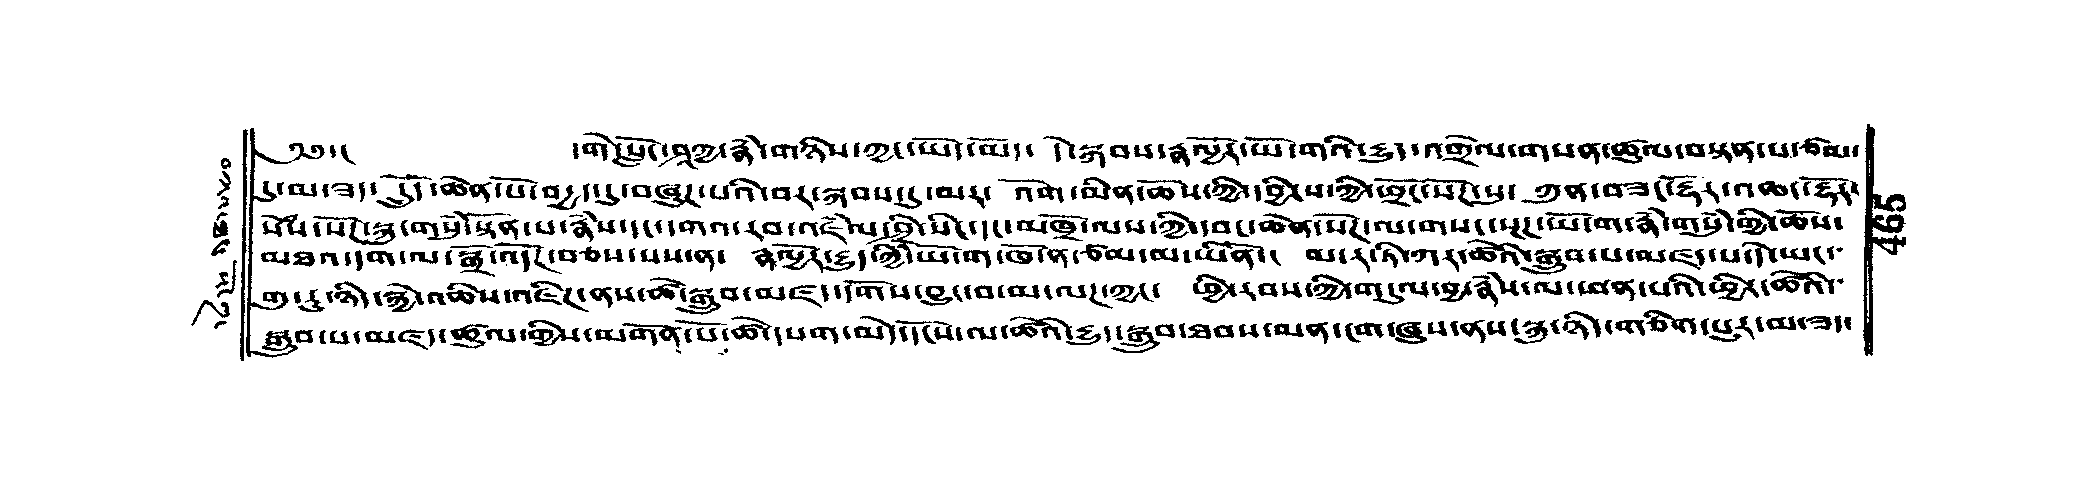དགེ་སློང་ཤཱཀྱ་རྣམ་གཉིས་ཀྱང་ཡོད་མོད། དེ་སྐབས་རྣལ་འབྱོར་ཡོ་གའི་རྒྱུད་འགྲེལ་གསན་ཚུལ་བསྟན་པ་ཙམ་
དུ་མ་ཟད། དུར་ཁྲོད་ཆེན་པོ་བརྒྱད་དུ་བཞུགས་པའི་བར་སྐབས་དུ་མར། འོག་མིན་ཆོས་ཀྱི་དབྱིངས་ཀྱི་ཕོ་བྲང་སོགས་སུ། ཀུན་བཟང་རྡོར་འཆང་རྡོར་
སེམས་སོགས་སྐུ་གསུམ་སྟོན་པ་རྣམས་དང་དགའ་རབ་འཇམ་དཔལ་ཤྲཱི་སིང་དང་མཁའ་འགྲོ་ལས་ཀྱི་དབང་ཆེན་སོགས་ལ་གསང་སྔགས་ཡོ་ག་རྣམ་གསུམ་གྱི་ཆོས་
མཐའ་དག་ལ་སྒྲོ་འདོགས་བཅད་པས་ན། རྣལ་འབྱོར་རྒྱུད་ཀྱི་ཡོ་ག་ཁོ་ན་ཙམ་མ་ཡིན་ནོ། མ་ར་ཏི་ཀར་ཚེའི་སྒྲུབ་པ་མཛད་པ་དེ་ཡང་
གུ་རུ་ཉིད་སྐྱེས་འཆིས་འཇིགས་ནས་ཚེ་སྒྲུབ་མཛད་དགོས་བྱུང་བ་མ་ལགས་ཀྱང་། ཕྱི་རབས་ཀྱི་གདུལ་བྱ་རྣམས་ལ་ཕན་པའི་ཕྱིར་ཚེའི་
སྒྲུབ་པ་མཛད་ཚུལ་གྱིས་མགོན་པོ་ཚེ་དཔག་མེད་དངོས་ལ་ཚེའི་རྒྱུད་སྒྲུབ་ཐབས་མན་ངག་ཞུས་ནས་སྐུ་ཉིད་གཅིག་པུར་མ་ཟད་